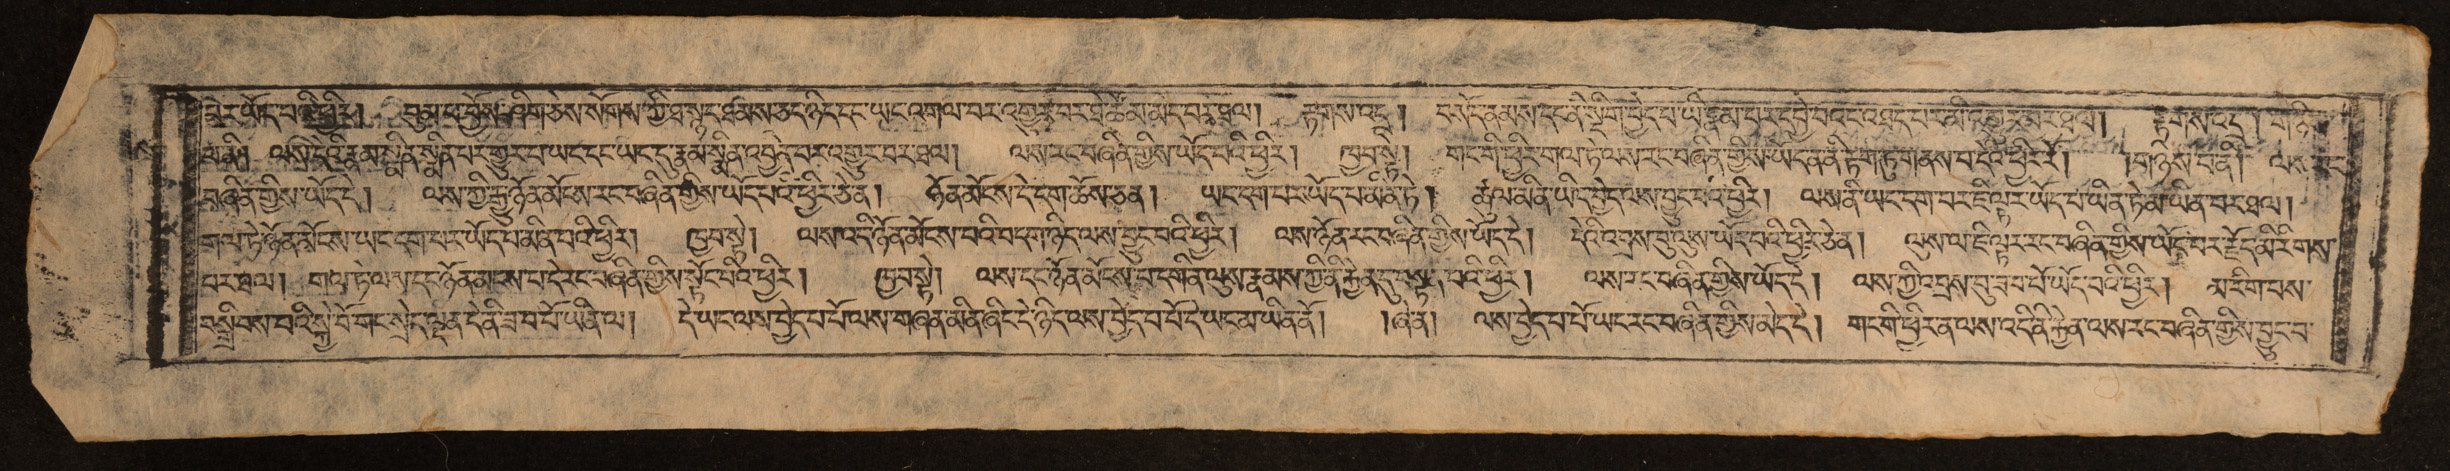པར་ཡོད་པའི་ཕྱིར། བུམ་པ་བྱོས་ཤིག་ཅེས་སོགས་ཀྱི་ཐ་སྙད་ཐམས་ཅད་ཉིད་དང་ཡང་འགལ་བར་འགྱུར་བར་ཐེ་ཚོམ་མེད་པར་ཐལ། རྟགས་འདྲ། བསོད་ནམས་དང་ནི་སྡིག་བྱེད་པ་ཡི་རྣམ་པར་དབྱེ་བའང་འཐད་པར་མི་འགྱུར་བར་ཐལ། རྟགས་འདྲ། གཉིས་
པ་ནི། ལས་དེའི་རྣམ་སྨིན་སྨིན་པར་གྱུར་པ་ཡང་དང་ཡང་དུ་རྣམ་སྨིན་འབྱིན་པར་འགྱུར་བར་ཐལ། ལས་རང་བཞིན་གྱིས་ཡོད་པའི་ཕྱིར། ཁྱབ་སྟེ། གང་གི་ཕྱིར་གལ་ཏེ་ལས་རང་བཞིན་གྱིས་ཡོད་ན་ནི་རྟག་ཏུ་གནས་པ་དེའི་ཕྱིར་རོ། །གཉིས་པ་ནི། ལས་རང་
བཞིན་གྱིས་ཡོད་དེ། ལས་ཀྱི་རྒྱུ་ཉོན་མོངས་རང་བཞིན་གྱིས་ཡོད་པའི་ཕྱིར་ཅེ་ན། ཉོན་མོངས་དེ་དག་ཆོས་ཅན། ཡང་དག་པར་ཡོད་པ་མིན་ཏེ། ཚུལ་མིན་ཡིད་བྱེད་ལས་བྱུང་བའི་ཕྱིར། ལས་ནི་ཡང་དག་པར་ཇི་ལྟར་ཡོད་པ་ཡིན་ཏེ་མ་ཡིན་པར་ཐལ།
གལ་ཏེ་ཉོན་མོངས་ཡང་དག་པར་ཡོད་པ་མིན་པའི་ཕྱིར། ཁྱབ་སྟེ། ལས་འདི་ཉོན་མོངས་པའི་བདག་ཉིད་ལས་བྱུང་བའི་ཕྱིར། ལས་ཉོན་རང་བཞིན་གྱིས་ཡོད་དེ། དེའི་འབྲས་བུ་ལུས་ཡོད་པའི་ཕྱིར་ཅེ་ན། ལུས་ལ་ཇི་ལྟར་རང་བཞིན་གྱིས་ཡོང་པར་རྗོད་མི་རིགས་
པར་ཐལ། གལ་ཏེ་ལས་དང་ཉོན་མོངས་པ་དེ་རང་བཞིན་གྱིས་སྟོང་པའི་ཕྱིར། ཁྱབ་སྟེ། ལས་དང་ཉོན་མོངས་པ་དག་ནི་ལུས་རྣམས་ཀྱི་ནི་རྐྱེན་དུ་བསྟན་པའི་ཕྱིར། ལས་རང་བཞིན་གྱིས་ཡོད་དེ། ལས་ཀྱི་འབྲས་བུ་ཟབ་པོ་ཡོད་པའི་ཕྱིར། མ་རིག་པས་
བསྒྲིབས་པའི་སྐྱེ་བོ་གང་སྲེད་ལྡན་དེ་ནི་ཟ་བ་པོ་ཡིན་ལ། དེ་ཡང་ལས་བྱེད་པ་པོ་ལས་གཞན་མིན་ཞིང་དེ་ཉིད་ལས་བྱེད་པ་པོ་དེ་ཡང་མ་ཡིན་ནོ། །ཞེ་ན། ལས་བྱེད་པ་པོ་ཡང་རང་བཞིན་གྱིས་མེད་དེ། གང་གི་ཕྱིར་ན་ལས་འདི་ནི་རྐྱེན་ལས་རང་བཞིན་གྱིས་བྱུང་བ་